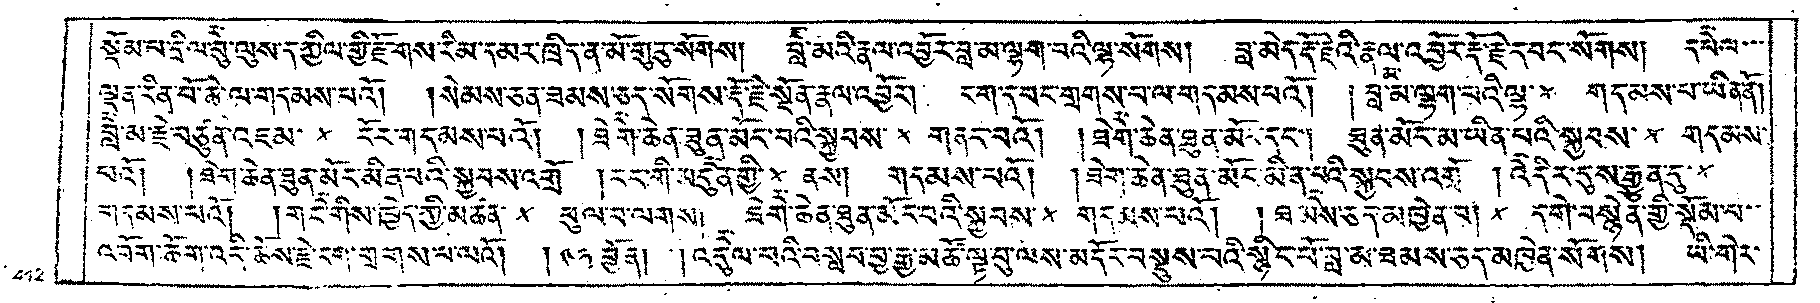སྡོམ་པ་དྲིལ་ར་བུ་ལུས་དཀྱིལ་གྱི་རྫོགས་རིམ་དམར་ཁྲིད་ན་མོ་གུ་རུ་སོགས། ཇ་བླ་མའི་རྣལ་འབྱོར་བླ་མ་ལྷག་པའི་ལྷ་སོགས། བླ་མེད་རྡོ་རྗེའི་རྣལ་འབྱོར་རྡོ་རྗེ་དབང་སོགས། རེ་དཔལ་
ལྡན་རིན་པོ་ཆེ་ལ་གདམས་པའོ། །སེམས་ཅན་ཐམས་ཅད་སོགས་རྡོ་རྗེ་སྔོན་རྣལ་འབྱོར། ངག་དབང་གྲགས་པ་ལ་གདམས་པའོ། །མ་བླ་མ་མ་ལྷག་པའི་ལྷ་྾་གདམས་པ་ཡིན་ནོ།
བླ་མ་རྗེ་བཙུན་འཇམ་྾་དོང་གདམས་པའོ། །ཐེག་ཆེན་ཐུན་མོང་བའི་སྐྱབས་྾་གནང་བའོ། །ཐེག་ར་ཆེན་ཐུན་མོང་དང་། ཐུན་མོང་མ་ཡིན་པའི་སྐྱབས་྾་གདམས་
པའོ། །ཐེག་ཆེན་ཐུན་མོང་མིན་པའི་སྐྱབས་འགྲོ། །རང་གི་མདུན་གྱི་྾་ནས། གདམས་པའོ། །ཐེག་ཆེན་ཐུན་མོང་མིན་པའི་སྐྱབས་འགྲོ། འདིར་དུས་རྒྱུན་དུ་྾་
གདམས་པའི། །གང་གིས་ཁྱེད་ཀྱི་མཚན་྾་ཕུལ་བ་ལགས། ཐེག་ཆེན་ཐུན་མོང་བའི་སྐྱབས་྾་གདམས་པའོ། །ཐམས་ཅད་མཁྱེན་པ། ྾་དགེ་བསྙེན་གྱི་སྡོམ་པ་
འབོག་ཆོག་འདི་ཆོག་འདི་ཆོས་རྗེ་ངག་གྲགས་པ་ལའོ། །༤༢་བྱོན། འདུལ་བའི་བསླབ་བྱ་རྒྱ་མཚོ་ལྟ་བུ་ལས་མདོར་བསྡུས་པའི་སྙིང་པོ་བླ་མ་ཐམས་ཅད་མཁྱེན་སོགས། ཡི་གེར་